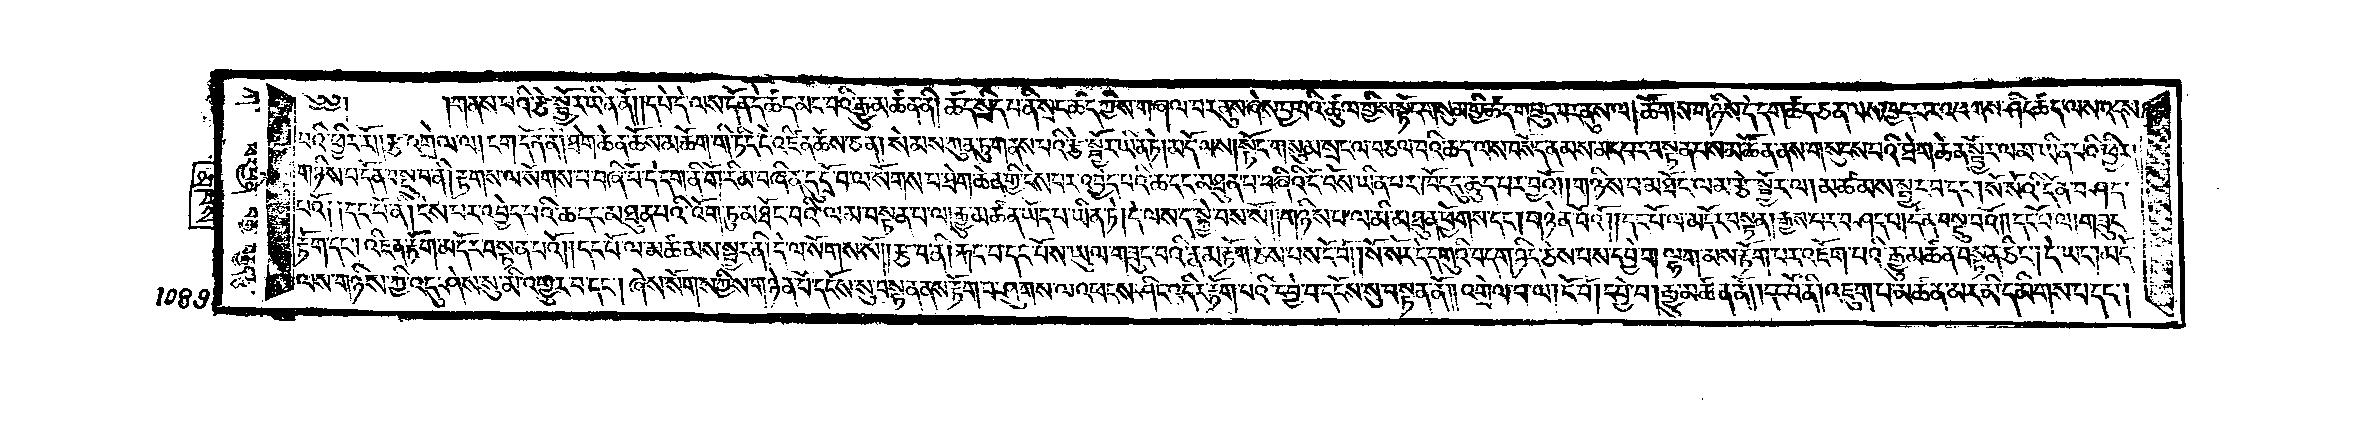༄༅། །གནས་པའི་རྩེ་སྦྱོར་ཡིན་ནོ། །དཔེ་དེ་ལས་དོན་དེ་ཚད་མང་བའི་རྒྱུ་མཚན་ནི། ཚད་སྲིད་པ་ནི་སྲང་ཚད་ཀྱིས་གཞལ་བར་ནུས་ཞེས་བྱ་བའི་ཚུལ་གྱིས་སྟོང་གསུམ་གྱི་ཚད་གཟུང་བར་ནུས་ལ། ཚོགས་གཉིས་དེ་དག་ཚད་ཅན་ལས་ཁྱད་པར་འཕགས་ཤིང་ཚད་ལས་འདས་
པའི་ཕྱིར་རོ། །རྩ་འགྲེལ་ལ། ངག་དོན་ནོ། ཐེག་ཆེན་ཆོས་མཆོག་གི་ཏིང་ངེ་འཛིན་ཆོས་ཅན། སེམས་ཀུན་ཏུ་གནས་པའི་རྩེ་སྦྱོར་ཡིན་ཏེ། མདོ་ལས། སྟོང་གསུམ་སྲང་ལ་བཅལ་བའི་ཚད་ལས་བསོད་ནམས་མང་བར་བསྟན་པས་མཚོན་ནས་གསུངས་པའི་ཐེག་ཆེན་སྦྱོར་ལམ་ཡིན་པའི་ཕྱིར།
གཉིས་པ་དོན་བསྡུ་པ་ནི། རྟགས་ལ་སོགས་པ་བཞི་པོ་དེ་དག་ནི་གོ་རིམ་བཞིན་དུ་དྲོ་བ་ལ་སོགས་པ་ཐེག་ཆེན་གྱི་ངེས་པར་འབྱེད་པའི་ཆ་དང་མཐུན་པ་བཞིའི་ངོ་བོས་ཡིན་པར་ཁོང་དུ་ཆུད་པར་བྱའོ། །གཉིས་པ་མཐོང་ལམ་རྩེ་སྦྱོར་ལ། མཚམས་སྦྱར་བ་དང་། སོ་སོའི་དོན་བཤད་
པའོ༑ ༑དང་པོ་ནི། ངེས་པར་འབྱེད་པའི་ཆ་དང་མཐུན་པའི་འོག་ཏུ་མཐོང་བའི་ལམ་བསྟན་པ་ལ། རྒྱུ་མཚན་ཡོད་པ་ཡིན་ཏེ། དེ་ལས་ད་སྐྱེ་བས་སོ། །གཉིས་པ་ལ་མི་མཐུན་ཕྱོགས་དང་། གཉེན་པོའོ། །དང་པོ་ལ་མདོར་བསྟན། རྒྱས་པར་བཤད་པ། དོན་བསྡུ་བའོ། །དང་པོ་ལ། གཟུང་
རྟོག་དང་། འཛིན་རྟོག་མདོར་བསྟན་པའོ། །དང་པོ་ལ་མཚམས་སྦྱར་ནི། དེ་ལ་སོགས་སོ། །རྩ་བ་ནི། རྐང་པ་དང་པོས་ཡུལ་གཟུང་བའི་རྣམ་རྟོག་ཅེས་པས་ངོ་བོ། །སོ་སོར་དེ་དགུའི་བདག་ཉིད་ཅེས་པས་དབྱེ་བ། ལྷག་མས་རྟོག་པར་འཇོག་པའི་རྒྱུ་མཚན་བསྟན་བསྟན་ཅིང་། དེ་ཡང་། མདོ་
ལས་གཉིས་ཀྱི་འདུ་ཤེས་སུ་མི་འགྱུར་བ་དང་། ཞེས་སོགས་ཀྱིས་གཉེན་པོ་དངོས་སུ་བསྟན་ནས་རྟོག་པ་ཤུགས་ལ་འཕངས་ཤིང་འདིར་རྟོག་པའི་དབྱེ་བ་དངོས་སུ་བསྟན་ནོ། །འགྲེལ་བ་ལ། ངོ་བོ། དབྱེ་བ། རྒྱུ་མཚན་ནོ། །དང་པོ་ནི། འཇུག་པ་མཚན་མར་མི་དམིགས་པ་དང་།